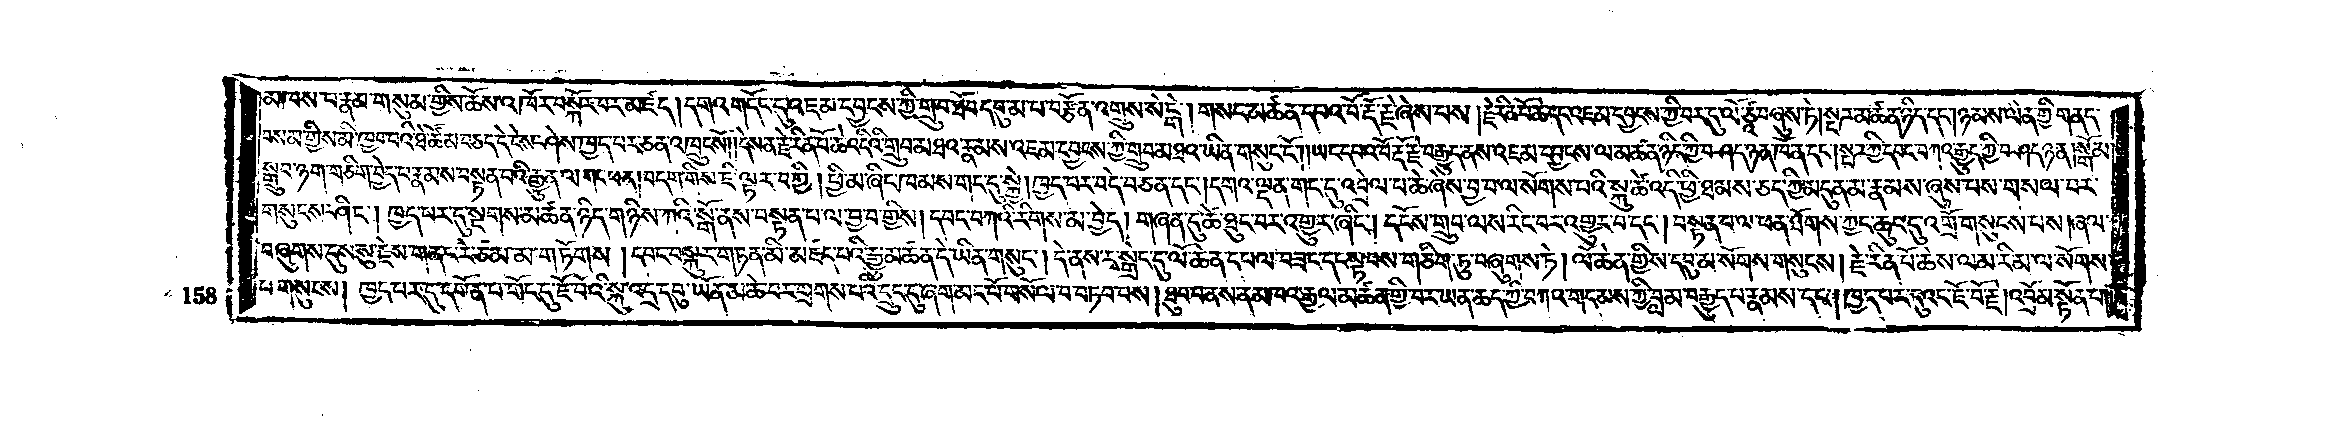མཁས་པ་རྣམ་གསུམ་གྱིས་ཆོས་འཁོར་བསྐོར་བར་མཛད། དགའ་གདོང་དུ་འཇམ་དབྱངས་ཀྱི་གྲུབ་ཐོབ་དབུ་མ་པ་བརྩོན་འགྲུས་སེངྒེ། གསང་མཚན་དཔའ་བོ་རྡོ་རྗེ་ཞེས་པས། རྗེ་རིན་པོ་ཆེ་དང་འཇམ་དབྱངས་ཀྱི་བར་དུ་ལོ་ཙཱ་བཞུས་ཏེ། སྔགས་མཚན་ཉིད་དང་། ཉམས་ལེན་གྱི་གནད་
བསམ་གྱིས་མི་ཁྱབ་པའི་ཐེ་ཚོམ་བཅད་དེ་ངེས་ཤེས་ཁྱད་པར་ཅན་འཁྲུངས་སོ། །དེས་ན་རྗེ་རིན་པོ་ཆེ་འདིའི་གྲུབ་མཐའ་རྣམས་འཇམ་དབྱངས་ཀྱི་གྲུབ་མཐའ་ཡིན་གསུང་ངོ། །ཡང་དཔའ་བོ་རྡོ་རྗེ་བརྒྱུད་ནས་འཇམ་དབྱངས་ལ་མཚན་ཉིད་ཀྱི་བཤད་ཉན་ཁོ་ན་དང་། སྔགས་ཀྱི་དབང་བཀའ་རྒྱུད་ཀྱི་བཤད་ཉན། སྒོམ་
སྒྲུབ་ཉག་གཅིག་བྱེད་པ་རྣམས་བསྟན་པའི་རྒྱུན་ལ་གང་ཕན། བདག་གིས་ཇི་ལྟར་བགྱི། ཕྱི་མ་ཞིང་ཁམས་གང་དུ་སྐྱེ། ཁྱད་པར་བདེ་བ་ཅན་དང་། དགའ་ལྡན་གང་དུ་འབྲེལ་པ་ཆེ་ཞེས་བྱ་བ་ལ་སོགས་པའི་སྐུ་ཚེ་འདི་ཕྱི་ཐམས་ཅད་ཀྱི་མདུན་མ་རྣམས་ཞུས་པས་གསལ་བར་
གསུངས་ཤིང་། ཁྱད་པར་དུ་སྔགས་མཚན་ཉིད་གཉིས་ཀའི་སྒོ་ནས་བསྟན་པ་ལ་བྱ་བ་གྱིས། དབང་བཀའི་རིགས་མ་བྱེད། གཞན་དུ་ཚེ་ཐུང་བར་འགྱུར་ཞིང་། དངོས་གྲུབ་ལས་རིང་བར་འགྱུར་བ་དང་། བསྟན་པ་ལ་ཕན་ཐོགས་ཀྱང་ཆུང་དུ་འགྲོ་གསུངས་པས། ཞལ་
བཞུགས་དུས་སུ་རྗེས་གནང་རེ་ཙམ་མ་གཏོགས། དབང་བསྐུར་གཏན་མི་མཛད་པའི་རྒྱུ་མཚན་དེ་ཡིན་གསུང་། དེ་ནས་རྭ་སྒྲེང་དུ་ལོ་ཆེན་དཔལ་བཟང་དང་སྟབས་གཅིག་ཏུ་བཞུགས་ཏེ། ལོ་ཆེན་གྱིས་དབུ་མ་སོགས་གསུངས། རྗེ་རིན་པོ་ཆེས་ལམ་རིམ་ལ་སོགས་
པ་གསུངས། ཁྱད་པར་དུ་དགོན་པ་གོང་དུ་ཇོ་བོའི་སྐུ་འདྲ་དབུ་ཡོན་མ་ཆེ་བར་གྲགས་པའི་དྲུང་དུ་ཞག་མང་པོ་གསོལ་བ་བཏབ་པས། ཐུབ་པ་ནས་ནམ་མཁའ་རྒྱལ་མཚན་གྱི་བར་ཡན་ཆད་ཀྱི་བཀའ་གདམས་ཀྱི་བླ་མ་བརྒྱུད་པ་རྣམས་དང་། ཁྱད་པར་དུའང་ཇོ་བོ་རྗེ། འབྲོམ་སྟོན་པ།།